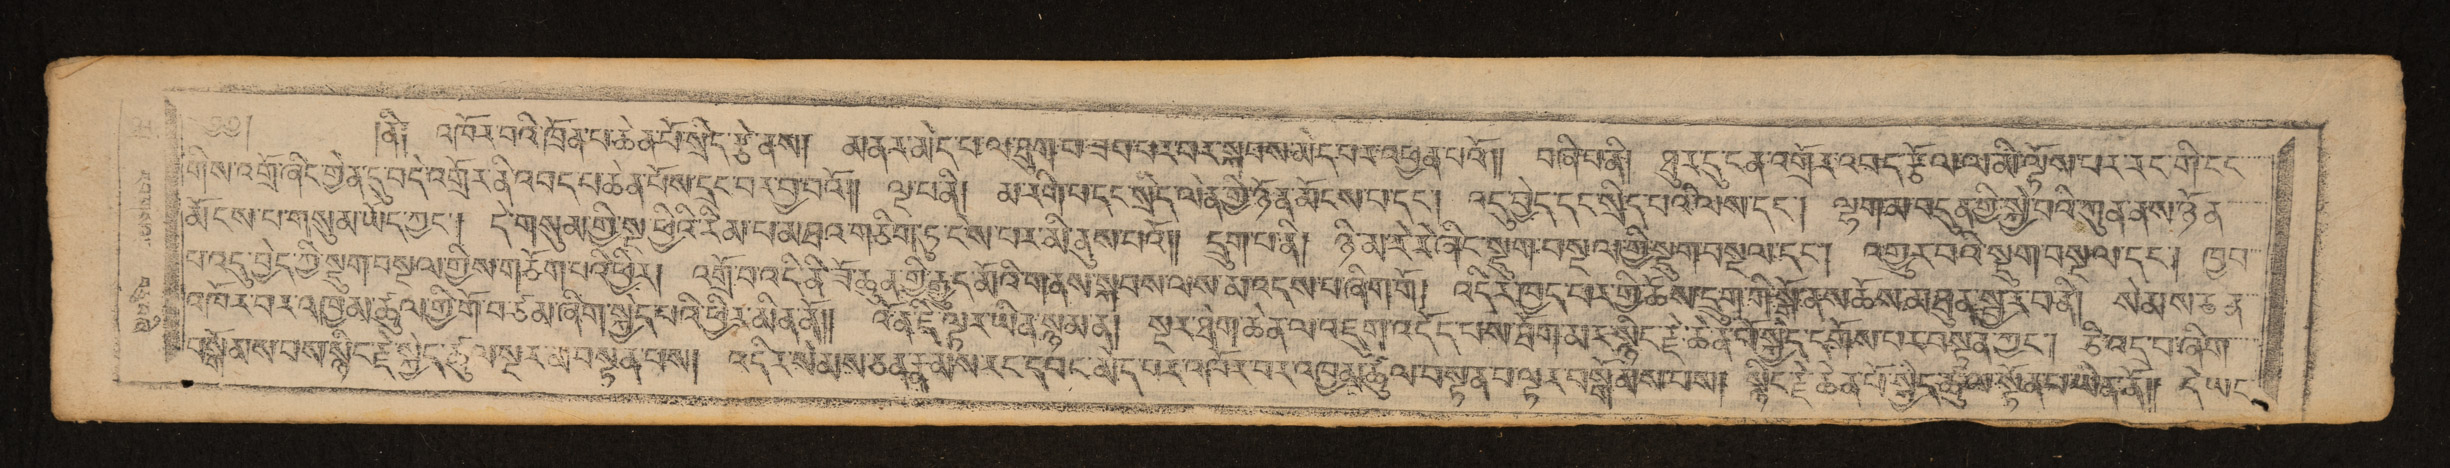༄༅། །ནི༑ འཁོར་བའི་ཁྲོན་པ་ཆེན་པོ་སྲིད་རྩེ་ནས། མནར་མེད་པ་ལ་ཐུག་པ་ཟབ་པར་བར་སྐབས་མེད་པར་འཕྱན་པའོ།། བཞི་པ་ནི། ཐུར་དུ་ངན་འགྲོར་འབད་རྩོལ་ལ་མི་ལྟོས་པར་རང་གི་ངང་
གིས་འགྲོ་ཞིང་གྱེན་དུ་བདེ་འགྲོར་ནི་འབད་པ་ཆེན་པོས་དྲང་བར་བྱ་བའོ།། ལྔ་པ་ནི། མ་རིག་པ་དང་སྲེད་ལེན་གྱི་ཉོན་མོངས་པ་དང་། འདུ་བྱེད་དང་སྲིད་པའི་ལས་དང་། ལྷག་མ་བདུན་གྱི་སྐྱེ་བའི་ཀུན་ནས་ཉོན་
མོངས་པ་གསུམ་ཡོད་ཀྱང་། དེ་གསུམ་གྱི་སྔ་ཕྱིའི་རིམ་པ་མཐའ་གཅིག་ཏུ་ངེས་པར་མི་ནུས་པའོ།། དྲུག་པ་ནི། ཉི་མ་རེ་རེ་ཞིང་སྡུག་བསྔལ་གྱི་སྡུག་བསྔལ་དང་། འགྱུར་བའི་སྡུག་བསྔལ་དང་། ཁྱབ་
པ་འདུ་བྱེད་ཀྱི་སྡུག་བསྔལ་གྱིས་གཅོག་པའི་ཕྱིར། འགྲོ་བ་འདི་ནི་ཟོ་ཆུན་གྱི་རྒྱུད་མོའི་གནས་སྐབས་ལས་མ་འདས་པ་ཞིག་གོ། འདིར་ཁྱད་པར་གྱི་ཆོས་དྲུག་གི་སྒོ་ནས་ཆོས་མཐུན་སྦྱར་བ་ནི། སེམས་ཅན་
འཁོར་བར་འཁྱམ་ཚུལ་གྱི་གོ་བ་ཙམ་ཞིག་སྐྱེད་པའི་ཕྱིར་མིན་ནོ།། འོ་ན་ཇི་ལྟར་ཡིན་སྙམ་ན། སྔར་ཐེག་ཆེན་ལ་འཇུག་འདོད་པས་ཐོག་མར་སྙིང་རྗེ་ཆེན་པོ་སྐྱེད་དགོས་པར་བསྟན་ཀྱང་། ཅི་འདྲ་བ་ཞིག་
བསྒོམས་པས་སྙིང་རྗེ་སྐྱེད་ཚུལ་སྔར་མ་བསྟན་པས། འདིར་སེམས་ཅན་རྣམས་རང་དབང་མེད་བར་འཁོར་བར་འཁྱམས་ཚུལ་བསྟན་པ་ལྟར་བསྒོམས་པས། སྙིང་རྗེ་ཆེན་པོ་སྐྱེད་ཚུལ་སྟོན་པ་ཡིན་ནོ།། དེ་ཡང་